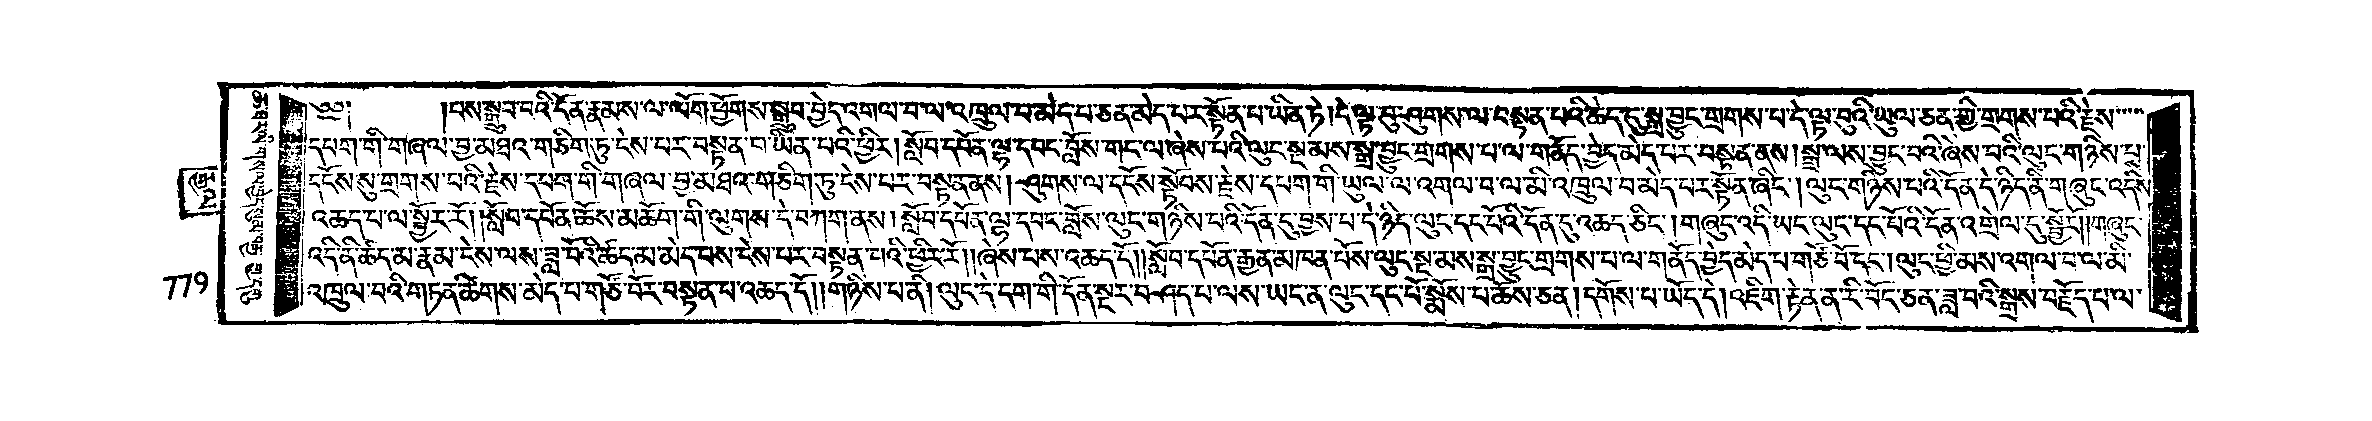༄༅། །པས་སྒྲུབ་པའི་དོན་རྣམས་ལ་ལོག་ཕྱོགས་སྒྲུབ་བྱེད་འགལ་བ་ལ་འཁྲུལ་པ་མེད་པ་ཅན་མེད་པར་སྟོན་པ་ཡིན་ཏེ། དེ་ལྟ་བུ་ཤུགས་ལ་བསྟན་པའི་ཆེད་དུ་སྒྲ་བྱུང་གྲགས་པ་དེ་ལྟ་བུའི་ཡུལ་ཅན་གྱི་གྲགས་པའི་རྗེས་
དཔག་གི་གཞལ་བྱ་མཐའ་གཅིག་ཏུ་ངེས་པར་བསྟན་པ་ཡིན་པའི་ཕྱིར། སློབ་དཔོན་ལྷ་དབང་བློས་གང་ལ་ཞེས་པའི་ལུང་སྔ་མས་སྒྲ་བྱུང་གྲགས་པ་ལ་གནོད་བྱེད་མེད་པར་བསྟན་ནས། སྒྲ་ལས་བྱུང་བའི་ཞེས་པའི་ལུང་གཉིས་པས་
དངོས་སུ་གྲགས་པའི་རྗེས་དཔག་གི་གཞལ་བྱ་མཐའ་གཅིག་ཏུ་ངེས་པར་བསྟན་ནས། ཤུགས་ལ་དངོས་སྟོབས་རྗེས་དཔག་གི་ཡུལ་ལ་འགལ་བ་ལ་མི་འཁྲུལ་པ་མེད་པར་སྟོན་ཞིང་། ལུང་གཉིས་པའི་དོན་དེ་ཉིད་ནི་གཞུང་འདིས་
འཆད་པ་ལ་སྦྱོར་རོ། །སློབ་དཔོན་ཆོས་མཆོག་གི་ལུགས་དེ་བཀག་ནས། སློབ་དཔོན་ལྷ་དབང་བློས་ལུང་གཉིས་པའི་དོན་དུ་བྱས་པ་དེ་ཉིད་ལུང་དང་པོའི་དོན་དུ་འཆད་ཅིང་། གཞུང་འདི་ཡང་ལུང་དང་པོའི་དོན་འགྲེལ་དུ་སྦྱོར་རོ། །གཞུང་
འདི་ནི་ཚད་མ་རྣམ་ངེས་ལས་ཟླ་བོའི་ཚད་མ་མེད་པས་ངེས་པར་བསྟན་པའི་ཕྱིར་རོ། །ཞེས་པས་འཆད་དོ། །སློབ་དཔོན་རྒྱན་མཁན་པོས་ལུང་སྔ་མས་སྒྲ་བྱུང་གྲགས་པ་ལ་གནོད་བྱེད་མེད་པ་གཙོ་བོ་དང་། ལུང་ཕྱི་མས་འགལ་བ་ལ་མི་
འཁྲུལ་བའི་གཏན་ཚིགས་མེད་པ་གཙོ་བོར་བསྟན་པ་འཆད་དོ། །གཉིས་པ་ནི། ལུང་དེ་དག་གི་དོན་སྔར་བཤད་པ་ལས་ཡང་ན་ལུང་དང་པོ་སྨོས་པ་ཆོས་ཅན། དགོས་པ་ཡོད་དེ། འཇིག་རྟེན་ན་རི་བོང་ཅན་ཟླ་བའི་སྒྲས་བརྗོད་པ་ལ་